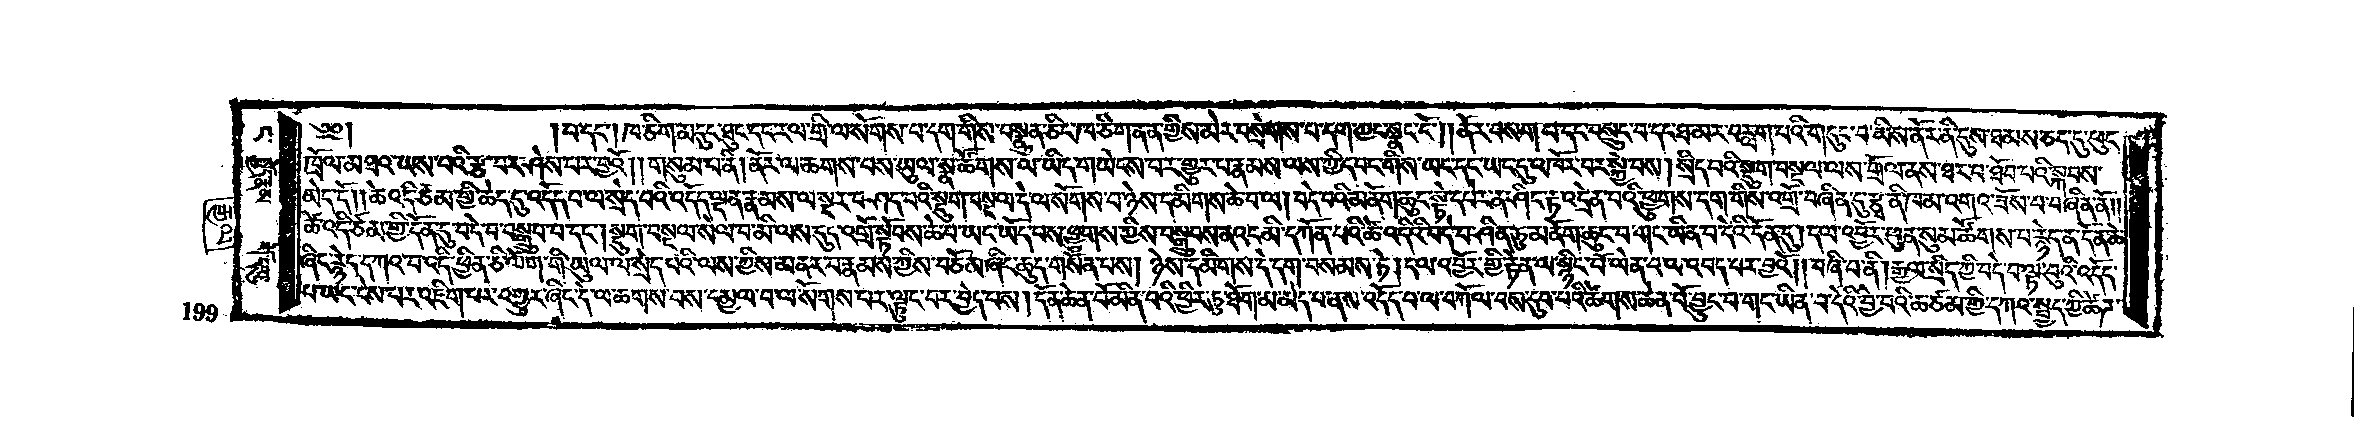༄༅། །པ་དང་། ཁ་ཅིག་མདུད་ཐུང་དང་རལ་གྲི་ལ་སོགས་པ་དག་གིས་བསྣུན་ཅིང་ཁ་ཅིག་ནན་གྱིས་མེར་བསྲེགས་པ་དག་ཀྱང་སྣང་ངོ། །ནོར་བསག་པ་དང་བསྲུང་བ་དང་ཐ་མར་བརླག་པའི་གདུང་བ་མིན་ནོར་ནི་དུས་ཐམས་ཅད་དུ་ཁུང་
ཁྲོལ་མཐའ་ཡས་པའི་རྩ་བར་ཤེས་པར་བྱའོ། །གསུམ་པ་ནི། ནོར་ལ་ཆགས་པས་ཡུལ་སྣ་ཚོགས་ལ་ཡིད་གཡེངས་པར་གྱུར་པ་རྣམས་ལས་ཀྱི་དབང་གིས་ཡང་དང་ཡང་དུ་འཁོར་བར་སྐྱེ་བས། སྲིད་པའི་སྡུག་བསྔལ་ལས་གྲོལ་ནས་ཐར་པ་ཐོབ་པའི་སྐབས་
མེད་དོ། །ཚེ་འདི་ཙམ་གྱི་ཆེད་དུ་འདོད་པ་ལ་སྲེད་པའི་འདོད་ལྡན་རྣམས་ལ་སྔར་བཤད་པའི་སྡུག་བསྔལ་དེ་ལ་སོགས་པ་ཉེས་དམིགས་ཆེ་བ་ལ། བདེ་བའི་མནོག?་ཆུང་སྟེ་དཔེར་ན་ཤིང་རྟ་འདྲེན་པའི་ཕྱུགས་དག་གིས་འགྲོ་བཞིན་དུ་རྩྭ་ནི་ཁམ་འགའ་ཟོས་པ་བཞིན་ནོ། །
ཚེ་འདི་ཙམ་གྱི་དོན་དུ་བདེ་བ་བསྒྲུབ་པ་དང་། སྡུག་བསྔལ་སེལ་བ་མི་ལས་དུད་འགྲོ་སྟོབས་ཆེ་བ་ཡང་ཡོད་པས་ཕྱུགས་ཀྱིས་བསྒྲུབས་ནའང་མི་དཀོན་པའི་ཚེ་འདིའི་བདེ་བ་ཤིན་ཏུ་མནོག?་ཆུང་བ་གང་ཡིན་པ་དེའི་དོན་དུ། དལ་འབྱོར་ཕུན་སུམ་ཚོགས་པས་རྙེད་ན་དོན་ཆེ་
ཞིང་རྙེད་དཀའ་བ་འདི་ཕྱིན་ཅི་ལོག་གི་ཡུལ་ལ་སྲེད་པའི་ལས་ཀྱིས་མནར་བ་རྣམས་ཀྱིས་བཅོམ་ཞིང་ཆུད་གསོན་པས། ཉེས་དམིགས་དེ་དག་བསམས་ཏེ། དལ་འབྱོར་གྱི་རྟེན་ལ་སྙིང་པོ་ལེན་པ་ལ་འབད་པར་བྱའོ། །བཞི་པ་ནི། རྒྱལ་སྲིད་ཀྱི་བདེ་བ་ལྟ་བུའི་འདོད་
པ་ཡང་ངེས་པར་འཇིག་པར་འགྱུར་ཞིང་དེ་ལ་ཆགས་པས་དམྱལ་བ་ལ་སོགས་པར་ལྟུང་བར་བྱེད་པས། དོན་ཆེན་པོ་མིན་པའི་ཕྱིར་ཏུ་ཐོག་མ་མེད་པ་ནས་འདོད་པ་ལ་བཀོལ་བས་དུབ་པའི་ཚོགས་ཆེན་པོ་བྱུང་བ་གང་ཡིན་པ་དེའི་བྱེ་བའི་ཆ་ཙམ་གྱི་དཀའ་སྤྱད་ཀྱི་ཚོགས་